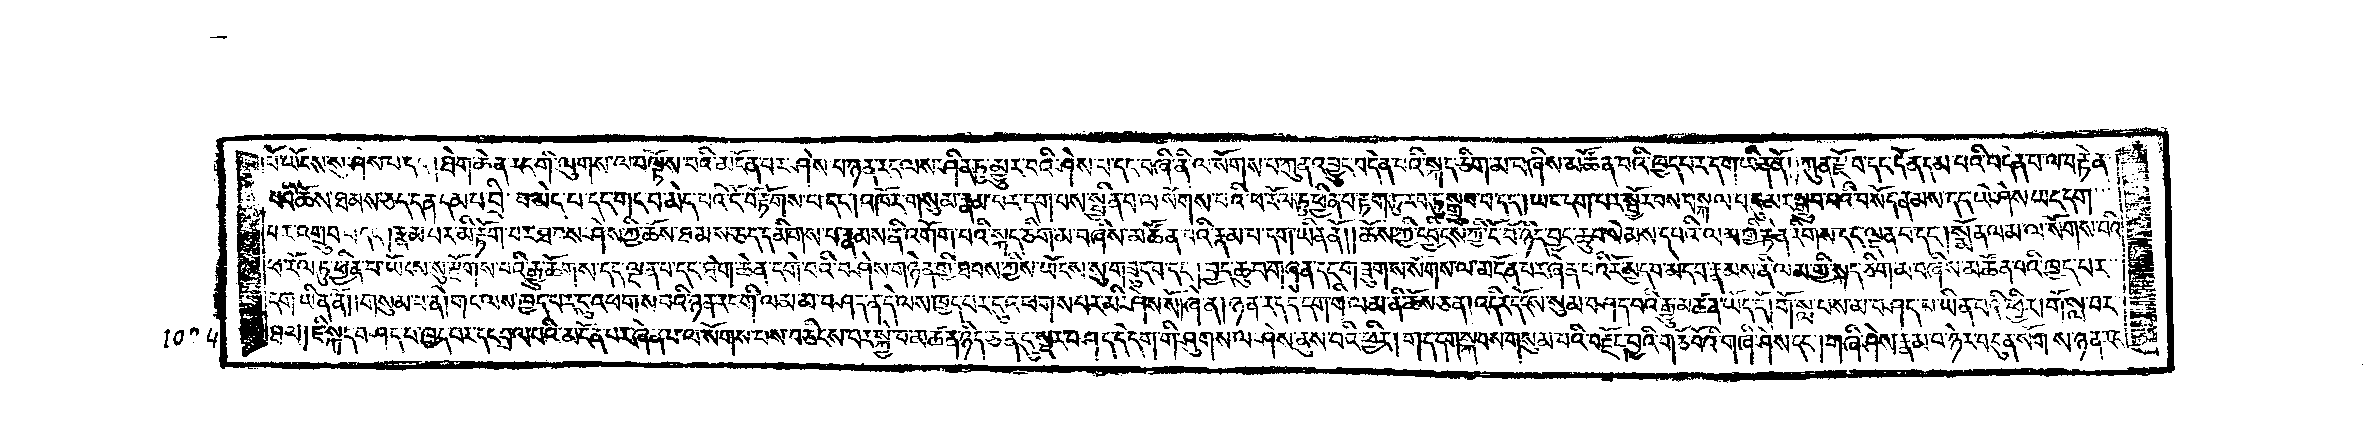པོ་ཡོངས་སུ་ཤེས་པ་དང་། ཐེག་ཆེན་རང་གི་ལུགས་ལ་བལྟོས་པའི་མངོན་པར་ཤེས་པ་ཉན་རང་ལས་ཤིན་ཏུ་མྱུར་བའི་ཤེས་པ་དང་བཞི་ནི་ལ་སོགས་པ་ཀུན་འབྱུང་བདེན་པའི་སྐད་ཅིག་མ་བཞིས་མཚོན་པའི་ཁྱད་པར་དག་ཡིན་ནོ། །ཀུན་རྫོབ་དང་དོན་དམ་པའི་བདེན་པ་ལ་བརྟེན་
པའི་ཆོས་ཐམས་ཅད་དོན་དམ་པ་བྲི་བ་མེད་པ་དང་གང་བ་མེད་པའི་ངོ་བོ་རྟོགས་པ་དང་། འཁོར་གསུམ་རྣམ་པར་དག་པས་སྦྱིན་པ་ལ་སོགས་པའི་ཕ་རོལ་ཏུ་ཕྱིན་པ་རྟག་ཏུ་རབ་ཏུ་སྒྲུབ་པ་དང་། ཡང་དག་པར་སྦྱོར་བས་བསྐལ་པ་དུ་མར་སྒྲུབ་པའི་བསོད་ནམས་དང་ཡེ་ཤེས་ཡང་དག་
པར་འགྲུབ་པ་དང་། རྣམ་པར་མི་རྟོག་པར་ཐབས་ཤེས་ཀྱི་ཆོས་ཐམས་ཅད་དམིགས་པ་རྣམས་ནི་འགོག་པའི་སྐད་ཅིག་མ་བཞིས་མཚོན་པའི་རྣམ་པ་དག་ཡིན་ནོ། །ཆོས་ཀྱི་དབྱིངས་ཀྱི་ངོ་བོ་ཉིད་བྱང་ཆུབ་སེམས་དཔའི་ལམ་གྱི་རྟེན་རིགས་དང་ལྡན་པ་དང་། སྨོན་ལམ་ལ་སོགས་པའི་
ཕ་རོལ་ཏུ་ཕྱིན་པ་ཡོངས་སུ་རྫོགས་པའི་རྒྱུ་ཚོགས་དད་ལྡན་པ་དང་ཐེག་ཆེན་དགེ་བའི་བཤེས་གཉེན་གྱི་ཐབས་ཀྱིས་ཡོངས་སུ་གཟུང་བ་དང་། བྱང་ཆུབ་གཞན་དང་གཟུགས་སོགས་ལ་མངོན་པར་ཞེན་པའི་རོ་མྱང་བ་མེད་པ་རྣམས་ནི་ལམ་གྱི་སྐད་ཅིག་མ་བཞིས་མཚོན་པའྐི་ཁྱད་པར་
དག་ཡིན་ནོ། །གསུམ་པ་ནི། གང་ལས་ཁྱད་པར་དུ་འཕགས་པའི་ཉན་རང་གི་ལམ་མ་བཤད་ན་དེ་ལས་ཁྱད་པར་དུ་འཕགས་པར་མི་ཤེས་སོ། ཞེ་ན། ཉན་རང་དེ་དག་གི་ལམ་ནི་ཆོས་ཅན། འདིར་དངོས་སུ་མ་བཤད་པའི་རྒྱུ་མཚན་ཡོད་དོ། གོ་སླ་བས་མ་བཤད་པ་ཡིན་པའི་ཕྱིར། གོ་སླ་བར་
ཐལ། ཇི་སྐད་བཤད་པ་ཁྱད་པར་དང་བྲལ་བའི་མངོན་པར་ཞེན་པ་ལ་སོགས་པས་བཅིངས་པར་སྐྱེ་བ་མཚན་ཉིད་ཅན་དུ་སྔར་བཤད་དེ་དག་གི་ཤུགས་ལ་ཤེས་ནུས་པའི་ཕྱིར། གང་དག་སྐབས་གསུམ་པའི་བརྗོད་བྱའི་གཙོ་བོའི་གཞི་ཤེས་དང་། གཞི་ཤེས་རྣམ་པ་ཉེར་བདུན་སོགས་ཉན་རང་